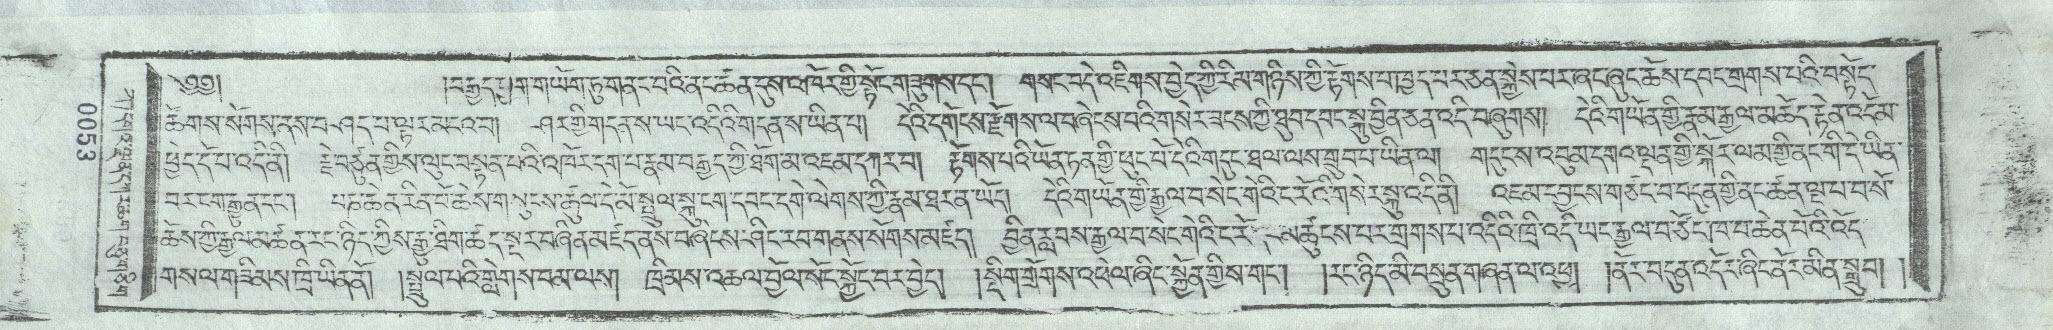༄༅། །བརྒྱད་ཕྱག་གཡོག་ཏུ་གནང་བའི་ནང་ཚན་དུས་འཁོར་གྱི་སྟོང་གཟུགས་དང་། གསང་བདེ་འཇིགས་བྱེད་ཀྱི་རིམ་གཉིས་ཀྱི་རྟོགས་པ་ཁྱད་པར་ཅན་སྐྱེས་པར་ཞང་ཞུང་ཆོས་དབང་གྲགས་པའི་བསྟོང་
ཚོགས་སོགས་ནས་བཤད་པ་ལྟར་མངའ་བ། །ཤར་གྱི་གདན་ས་ཡང་འདིའི་གདན་ས་ཡིན་པ། དེའི་དགོངས་རྫོགས་ལ་བཞེངས་པའི་གསེར་ཟངས་ཀྱི་ཐུབ་དབང་སྐུ་བྱིན་ཅན་འདི་བཞུགས། དེའི་གཡོན་གྱི་རྣམ་རྒྱལ་མཆོད་རྟེན་འདོམ་
ཕྱེད་དོ་པ་འདི་ནི། རྗེ་བཙུན་གྱིས་ལུང་བསྟན་པའི་འཁོར་དག་པ་རྣམ་བརྒྱད་ཀྱི་ཐོག་མ་འཇམ་དཀར་བ། རྟོགས་པའི་ཡོན་ཏན་གྱི་པུང་པོ་དེའི་གདུང་ཐལ་ལས་གྲུབ་པ་ཡིན་ལ། གདུངས་འབུམ་དགའ་ལྡན་གྱི་སྐོར་ལམ་གྱི་ནང་གི་དེ་ཡིན་
བར་ངག་རྒྱུན་དང་། པཎ་ཆེན་རིན་པོ་ཆེས་གསུངས་ཚུལ་དེ་མོ་སྤྲུལ་སྐུ་ངག་དབང་དགེ་ལེགས་ཀྱི་རྣམ་ཐར་ན་ཡོད། དེའི་གཡོན་གྱི་རྒྱལ་བསེང་གེའི་ང་རོའི་གསེར་སྐུ་འདི་ནི། འཇམ་དབྱངས་གཙང་བ་བདུན་གྱི་ནང་ཚན་ལྔ་པ་བ་སོ་
ཆོས་ཀྱི་རྒྱལ་མཚན་རང་ཉིད་ཀྱིས་རྒྱུ་ཐིག་ཚད་སྔར་བཞིན་མཛད་ནས་བཞེངས་ཤིང་རབ་གནས་སོགས་མཛད། །བྱིན་རླབས་རྒྱལ་བ་སེང་གེའི་ང་རོ་དང་མཚུངས་པར་གྲགས་པ་འདིའི་ཁྲི་འདི་ཡང་རྒྱལ་བ་ཙོང་ཁ་པ་ཆེན་པོའི་འོད་
གསལ་གཟིམས་ཁྲི་ཡིན་ནོ། །སྤྲུལ་པའི་གླེགས་བམ་ལས། ཁྲིམས་འཆལ་བྱོལ་སོང་སྐྱོང་བར་བྱེད། །སྡིག་གྲོགས་འཕེལ་ཞིང་སྐྱོན་གྱིས་གང་། །རང་ཉིད་མི་བསྲུན་གཞན་ལ་འཕྱ། །ནོར་བདུན་འདོར་ཞིང་ནོར་མིན་སྒྲུབ། །